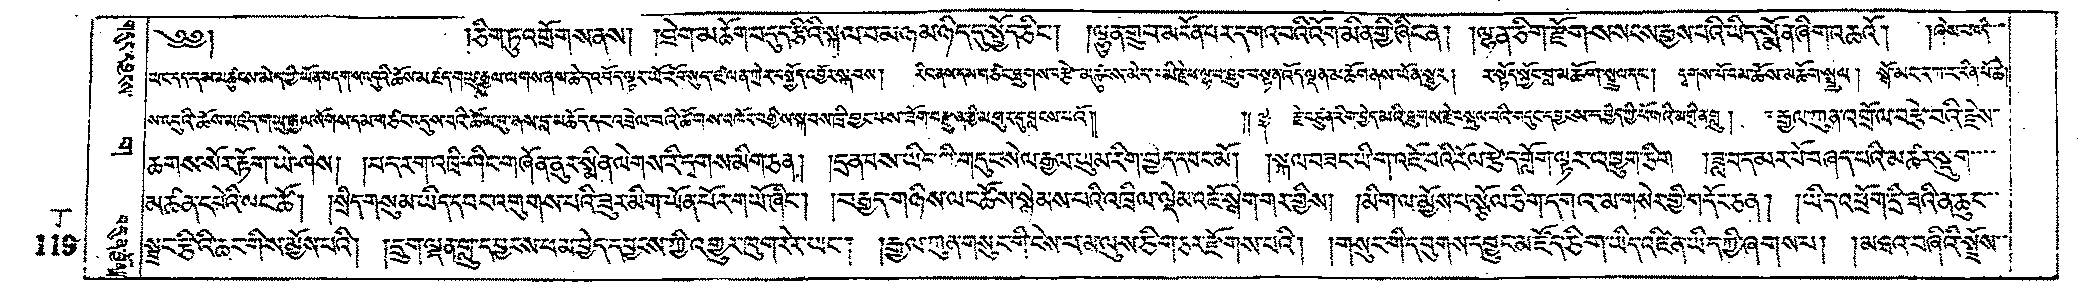༄༅། །ཅིག་ཏུ་འགྲོགས་ནས། །ཐེག་མཆོག་བདུད་རྩིའི་སྐལ་བ་མཉམ་ཉིད་དུ་སྤྱོད་ཅིང་། །ལྷུན་གྲུབ་མངོན་པར་དགའ་བའི་འོག་མིན་གྱི་ཞིང་ན། །ལྷན་ཅིག་རྫོགས་སངས་རྒྱས་པའི་ཡིད་སྨོན་ཞིག་འཆའོ། །ཞེས་པ་འདི་་་
ཡང་དད་དམ་མཚུངས་མེད་ཀྱི་ཡོན་བདག་ས་འདུའི་ཆོས་མཛད་གཡུལ་རྒྱལ་ལགས་ནས་ཆེད་འབོད་ལྟར་ཡོ་རོབ་སུད་ཛ་ལན་ཀྲེར་བསྐྱོད་འབྱོར་སྐབས། རིང་ནས་དམ་གཙང་ཐུགས་བརྩེ་མཚུངས་མེད་མི་རྗེ་ཕ་ལྷ་བ་ཐུབ་བསྟན་འོད་ལྡན་མཆོག་ནས་ཡོན་སྦྱར། ར་སྟོད་སྐྱོང་བླ་མཆོག་སྤྲུལ་དང་། དྭགས་པོ་བམ་ཆོས་མཆོག་སྤྲུལ། སྒོ་མང་ར་ཀ་ར་རིན་པོ་ཆེ།
ས་འདུའི་ཆོས་མཛད་གཡུ་རྒྱལ་སོགས་དམ་གཙང་འདུས་པའི་ཚོམ་བུ་ནས་བླ་མཆོད་དང་འབྲེལ་བའི་ཚོགས་འཁོར་བགྱིས་སྐབས་ཁྲི་བྱང་པས་ཟོག་བརྫུན་གྱི་མགུར་དུ་བླངས་པའོ།། །།འྲྗེ་བཙུན་རིག་བྱེད་མའི་ཐུགས་རྗེ་བསྐུལ་བའི་གདུང་དབྱངས་དཔྱིད་ཀྱི་ཕོ་ཉའི་མགྲིན་གླུ། ༧རྒྱལ་ཀུན་འགྲོ་ལ་བརྩེ་བའི་རྗེས་་་
ཆགས་སོར་རྟོག་ཡེ་ཤེས། །པད་རག་འཁྲི་ཤིང་གཞོན་ནུར་སྨིན་ལེགས་རི་དྭགས་མིག་ཅན། །དྲན་པས་ཡིད་ཀྱི་གདུང་སེལ་རྒྱལ་ཡུམ་རིག་བྱེད་དབང་མོ། །སྐལ་བཟང་ཡི་ག་འཇོ་བའི་རོལ་རྩེད་གློག་ལྟར་འཁྱུག་ཅིག །ཟླ་བ་དམར་པོ་བཞད་པའི་མཚར་སྡུག་་་
མཚན་དཔེའི་ལང་ཚོ། །སྲིད་གསུམ་ཡིད་དབང་འགུགས་པའི་ཟུར་མིག་ཡོན་པོར་གཡོ་ཞིང་། །བརྒྱད་གཉིས་ལང་ཚོས་སྙེམས་པའི་འཁྲིལ་ལྡེམ་འཇོ་སྒེག་གར་གྱིས། །མིག་ལ་མྱོས་པ་སྩོལ་ཅིག་དགའ་མ་གསེར་གྱི་གདོང་ཅན། །ཡིད་འཕྲོག་དྲི་ཟའི་ན་ཆུང་་་
སྦྲང་རྩིའི་ཆང་གིས་མྱོས་པའི། །དྲུག་ལྡན་གླུ་དབྱངས་ཕམ་བྱེད་དབྱངས་ཀྱི་འགྱུར་ཁུག་རེར་ཡང་། །རྒྱལ་ཀུན་གསུང་གི་ངེས་པ་མ་ལུས་ཅིག་ཅར་རྫོགས་པའི། །གསུང་གི་དབུགས་དབྱུང་མཛོད་ཅིག་ཡིད་འཛིན་ཡིད་ཀྱི་ཞགས་པ། །མཐའ་བཞིའི་སྤྲོས་་་